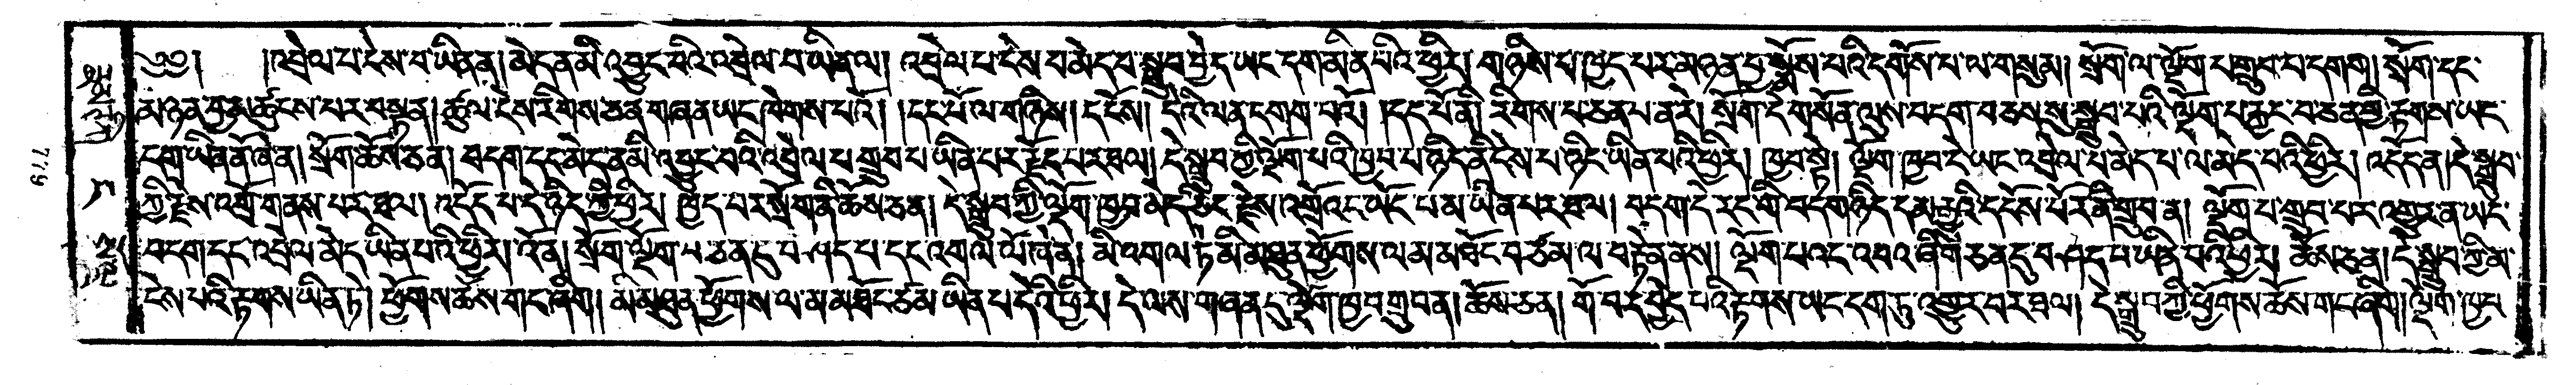༄༅། །འབྲེལ་པ་ངེས་པ་ཡིན་ན། མེད་ན་མི་འབྱུང་བའི་འབྲེལ་པ་ཡིན་ལ། འབྲེལ་པ་ངེས་པ་མེད་པ་སྒྲུབ་བྱེད་ཡང་དག་མིན་པའི་ཕྱིར། གཉིས་པ་ཁྱད་པར་མཉན་བྱ་སྨོས་པའི་དགོས་པ་ལ་གསུམ། སྲོག་ལ་ལྡོག་པ་གྲུབ་པ་དགག། སྲོག་དང་
མཉན་བྱ་མཚུངས་པར་བསྟན། ཚུལ་དེས་རིགས་ཅན་གཞན་ཡང་ཁེགས་པའོ། །དང་པོ་ལ་གཉིས། དངོས། དེའི་ལན་དགག་པའོ། །དང་པོ་ནི། རིགས་པ་ཅན་པ་ན་རེ། སྲོག་དེ་གསོན་ལུས་བདག་བཅས་སུ་སྒྲུབ་པའི་ལྡོག་པ་རྐྱང་བ་ཅན་གྱི་རྟགས་ཡང་
དག་ཡིན་ནོ་ཞེ་ན། སྲོག་ཆོས་ཅན། བདག་དང་མེད་ན་མི་འབྱུང་བའི་འབྲེལ་པ་གྲུབ་པ་ཡིན་པར་རྗོད་པར་ཐལ། དེ་སྒྲུབ་ཀྱི་ལྡོག་པའི་ཁྱབ་པ་ཉིད་ནི་ངེས་པ་ཉིད་ཡིན་པའི་ཕྱིར། ཁྱབ་སྟེ། ལྡོག་ཁྱབ་དེ་ཡང་འབྲེལ་པ་མེད་པ་ལ་མེད་པའི་ཕྱིར། འདོད་ན། དེ་སྒྲུབ་
ཀྱི་རྗེས་འགྲོ་གནས་པར་ཐལ། འདོད་པ་དེ་ཉིད་ཀྱི་ཕྱིར། ཁྱད་པར་སྲོག་ནི་ཆོས་ཅན། དེ་སྒྲུབ་ཀྱི་ལྡོག་ཁྱབ་མེད་ཅིང་རྗེས་འགྲོའང་ཡོང་པ་མ་ཡིན་པར་ཐལ། བདག་དེ་རང་གི་བདག་ཉིད་དམ་རྒྱུའི་དངོས་པོར་ནི་གྲུབ་ན། ལྡོག་པ་གྲུབ་པར་འགྱུར་ན་ཡང་
བདག་དང་འབྲེལ་མེད་ཡིན་པའི་ཕྱིར། འོ་ན། སྲོག་ལྡོག་པ་ཅན་དུ་བཤད་པ་དང་འགལ་ལོ་ཞེ་ན། མི་འགལ་ཏེ་མི་མཐུན་ཕྱོགས་ལ་མ་མཐོང་བ་ཙམ་ལ་བརྟེན་ནས། ལྡོག་པའང་འབའ་ཞིག་ཅན་དུ་བཤད་པ་ཡིན་པའི་ཕྱིར། ཆོས་ཅན། དེ་སྒྲུབ་ཀྱི་མ་
ངེས་པའི་རྟགས་ཡིན་ཏེ། ཕྱོགས་ཆོས་གང་ཞིག། མི་མཐུན་ཕྱོགས་ལ་མ་མཐོང་ཙམ་ཡིན་པ་དེའི་ཕྱིར། དེ་ལས་གཞན་དུ་ལྡོག་ཁྱབ་གྲུབ་ན། ཆོས་ཅན། གོ་བར་བྱེད་པའི་རྟགས་ཡང་དག་ཏུ་འགྱུར་བར་ཐལ། དེ་སྒྲུབ་ཀྱི་ཕྱོགས་ཆོས་གང་ཞིག །ལྡོག་ཁྱབ་